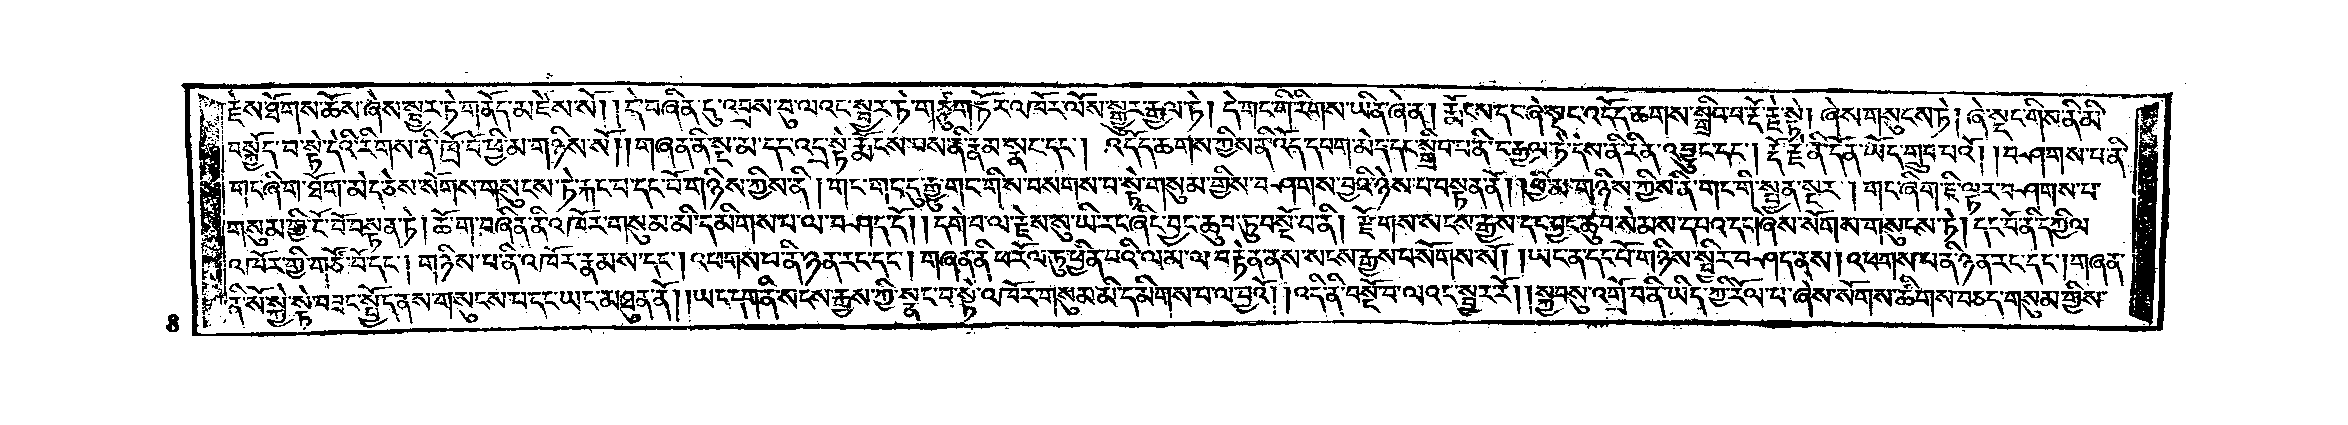རྗེས་ཐོགས་ཆོས་ཞེས་སྦྱར་ཏེ་གནོད་མཛེས་སོ། །དེ་བཞིན་དུ་འབྲས་བུ་ལའང་སྦྱར་ཏེ་གཙུག་ཏོར་འཁོར་ལོས་སྒྱུར་རྒྱལ་ཏེ། དེ་གང་གི་རིགས་ཡིན་ཞེ་ན། རྨོངས་དང་ཞེ་སྡང་འདོད་ཆགས་སྒྲིབ་པ་རྡོ་རྗེ་སྟེ། ཞེས་གསུངས་ཏེ། ཞེ་སྡང་གིས་ནི་མི་
བསྐྱོད་བ་སྟེ་དེའི་རིགས་ནི་ཁྲོ་བོ་ཕྱི་མ་གཉིས་སོ། །གཞན་ནི་སྔ་མ་དང་འདྲ་སྟེ་རྨོངས་པས་ནི་རྣམ་སྣང་དང་། འདོད་ཆགས་ཀྱིས་ནི་འོད་དཔག་མེད་དང་སྒྲིབ་པ་ནི་ང་རྒྱལ་ཏེ་དེས་ནི་རིན་འབྱུང་དང་། རྡོ་རྗེ་ནི་དོན་ཡོད་གྲུབ་པའོ། །བཤགས་པ་ནི་
གང་ཞིག་ཐོག་མེད་ཅེས་སོགས་གསུངས་ཏེ་རྐང་པ་དང་པོ་གཉིས་ཀྱིས་ནི། གང་གང་དུ་རྒྱུ་གང་གིས་བསགས་པ་སྟེ་གསུམ་གྱིས་བཤགས་བྱའི་ཉེས་པ་བསྟན་ནོ། །ཕྱི་མ་གཉིས་ཀྱིས་ནི་གང་གི་སྤྱན་སྔར། གང་ཞིག་ཇི་ལྟར་བཤགས་པ་
གསུམ་གྱི་ངོ་བོ་བསྟན་ཏེ། ཆོ་ག་བཞིན་ནི་འཁོར་གསུམ་མི་དམིགས་པ་ལ་བཤད་དོ། །དགེ་བ་ལ་རྗེས་སུ་ཡི་རང་ཞིང་བྱང་ཆུབ་ཏུ་བསྔོ་བ་ནི། རྫོགས་སངས་རྒྱས་དང་བྱང་ཆུབ་སེམས་དཔའ་དང་། ཞེས་སོགས་གསུངས་ཏེ། དང་པོ་ནི་དཀྱིལ་
འཁོར་གྱི་གཙོ་བོ་དང་། གཉིས་པ་ནི་འཁོར་རྣམས་དང་། འཕགས་པ་ནི་ཉན་རང་དང་། གཞན་ནི་ཕ་རོལ་ཏུ་ཕྱིན་པའི་ལམ་ལ་བརྟེན་ནས་སངས་རྒྱས་པ་སོགས་སོ། །ཡང་ན་དང་པོ་གཉིས་སྤྱིར་བཤད་ནས། འཕགས་པ་ནི་ཉན་རང་དང་། གཞན་
ནི་སོ་སྐྱེ་སྟེ་བཟང་སྤྱོད་ནས་གསུངས་པ་དང་ཡང་མཐུན་ནོ། །ཡང་དག་ནི་སངས་རྒྱས་ཀྱི་སྣང་བ་སྟེ་འཁོར་གསུམ་མི་དམིགས་པ་ལ་བྱའོ། །འདི་ནི་བསྔོ་བ་ལའང་སྦྱར་རོ། །སྐྱབས་སུ་འགྲོ་བ་ནི་ཡིད་ཀྱི་རོལ་པ་ཞེས་སོགས་ཚིགས་བཅད་གསུམ་གྱིས་